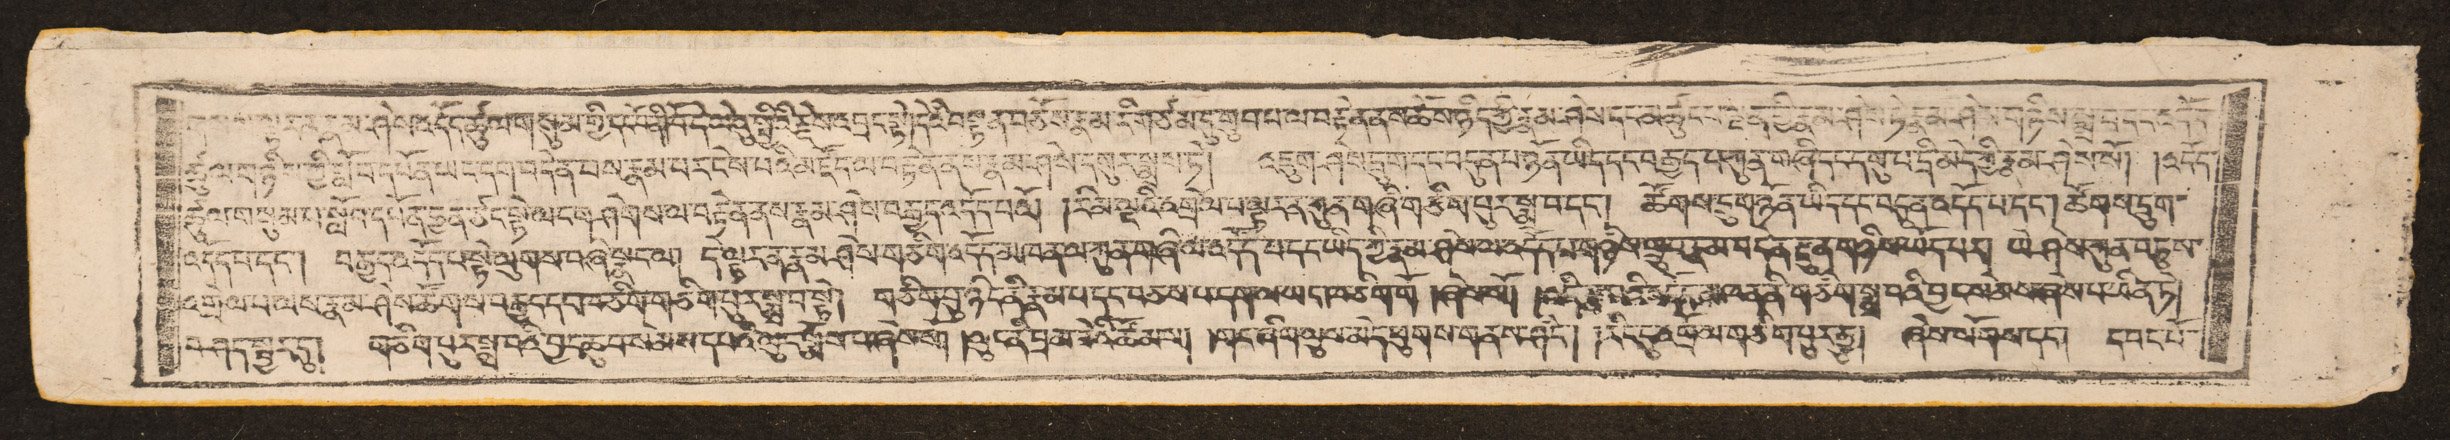གསལ་ལྟར་ན་རྣམ་ཤེས་འདོད་ཚུལ་གསུམ་གྱི་དང་པོ་ནི། བོ་དེ་ལེའུ་སྤྱིའི་རྗེས་འབྲང་སྟེ། དེའི་བསྟན་བཅོས་རྣམ་རིག་ཙམ་དུ་གྲུབ་པ་ལ་བརྟེན་ནས་ཆོས་ཉིད་ཀྱི་རྣམ་ཤེས་དང་མཚུངས་ལྡན་གྱི་རྣམ་ཤེས་ཏེ་རྣམ་ཤེས་གཉིས་སྨྲ་བ་དང་འདོད་
ཚུལ་གཉིས་ཀྱི་སློབ་དཔོན་ཡང་དག་བདེན་པས་རྣམ་པར་ངེས་པའི་མཛོད་ལ་བརྟེན་ནས་རྣམ་ཤེས་དགུར་སྨྲས་ཏེ། འཇུག་ཤེས་དྲུག་དང་བདུན་པ་ཉོན་ཡིད་དང་བརྒྱད་པ་ཀུན་གཞི་དང་དགུ་པ་དྲི་མེད་ཀྱི་རྣམ་ཤེས་སོ། །འདོད་
ཚུལ་གསུམ་པ་སློབ་དཔོན་ཧྱན་ཙང་སྟེ་ལང་གཤེགས་ལ་བརྟེན་ནས་རྣམ་ཤེས་བརྒྱད་འདོད་པའོ། །རིམ་ལྔའི་འགྲེལ་པ་ལྟར་ན་ཀུན་གཞི་གཅིག་པུར་སྨྲ་བ་དང་། ཚོགས་དྲུག་ཉོན་ཡིད་དང་བདུན་འདོད་པ་དང་། ཚོགས་དྲུག་
འདོད་པ་དང་། བརྒྱད་འདོད་པ་སྟེ་ལུགས་བཞི་སྣང་ལ། དེ་ལྟར་ན་རྣམ་ཤེས་གཅིག་འདོད་མཁན་ལ་ཀུན་གཞི་ལ་འདོད་པ་དང་ཡིད་ཀྱི་རྣམ་ཤེས་ལ་འདོད་པ་གཉིས་གྲུབ་རྣམ་བདེན་རྫུན་གཉིས་ཡོད་པར། ཡེ་ཤེས་ཀུན་བཏུས་
འགྲེལ་པ་ལས་རྣམ་ཤེས་ཚོགས་བརྒྱད་དང་ཁ་ཅིག་གཅིག་པུར་སྨྲ་བ་སྟེ། གཅིག་པུ་ཉིད་ནི་རྣམ་པ་དང་བཅས་པ་དག་ལ་ཡང་ཁ་ཅིག་གོ །ཞེས་སོ། །འདི་རྩ་བའི་འདོད་མཁན་ནི་གཅིག་སྨྲ་བའི་བྱང་སེམས་ཞེས་པ་ཡིན་ཏེ།
བཤད་སྦྱར་དུ། གཅིག་པུར་སྨྲ་བའི་བྱང་ཆུབ་སེམས་དཔའི་ལུང་སྨོས་པ་ཞེས་སོ། །ལུང་ནི་བྲམ་ཟེའི་ཚོམས། །གང་ཞིག་ལུས་མེད་ཕུགས་གནས་ཤིང་། །རིང་དུ་འགྲོལ་གཅིག་པུར་རྒྱུ། ཞེས་སོགས་དང་། དབང་པོ་